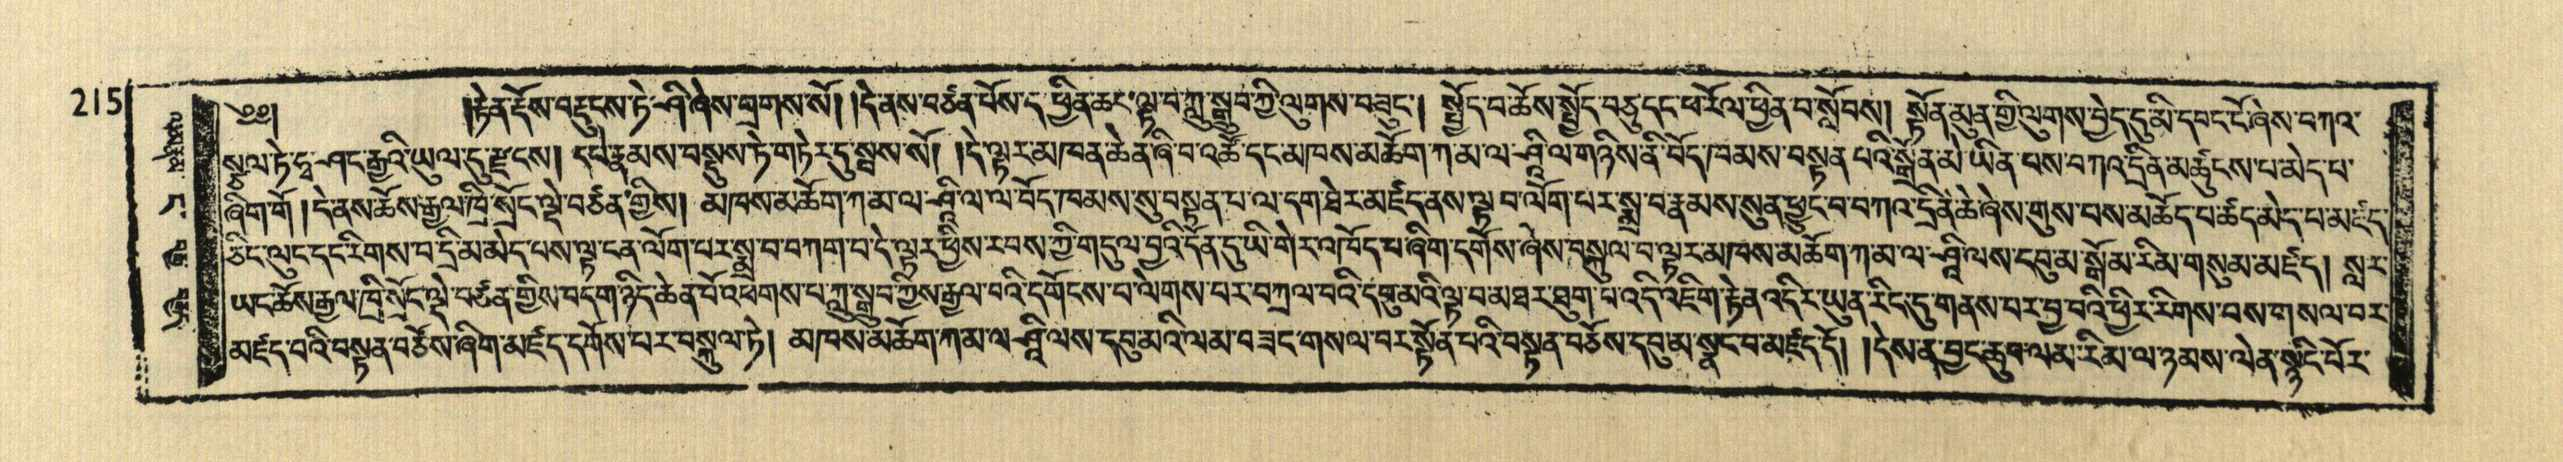༄༅། །རྟེན་རྡོས་བརྡུངས་ཏེ་ཤི་ཞེས་གྲགས་སོ། །དེ་ནས་བཙན་པོས་ད་ཕྱིན་ཆང་ལྟ་བ་ཀླུ་སྒྲུབ་ཀྱི་ལུགས་བཟུང་། སྤྱོད་པ་ཆོས་སྤྱོད་བཅུ་དང་ཕ་རོལ་ཕྱིན་བསློབས། སྟོན་མུན་གྱི་ལུགས་བྱེད་དུ་མི་དབང་ངོ་ཞེས་བཀའ་
སྩལ་ཏེ་ཧྭ་ཤང་རྒྱའི་ཡུལ་དུ་རྫངས། དཔེ་རྣམས་བསྡུས་ཏེ་གཏེར་དུ་སྦས་སོ། །དེ་ལྟར་མཁན་ཆེན་ཞི་བ་འཚོ་དང་མཁས་མཆོག་ཀ་མ་ལ་ཤཱི་ལ་གཉིས་ནི་བོད་ཁམས་བསྟན་པའི་སྒྲོན་མེ་ཡིན་པས་བཀའ་དྲིན་མཚུངས་པ་མེད་པ་
ཞིག་གོ །དེ་ནས་ཆོས་རྒྱལ་ཁྲི་སྲོང་ལྡེ་བཙན་གྱིས། མཁས་མཆོག་ཀ་མ་ལ་ཤཱི་ལ་ལ་བོད་ཁམས་སུ་བསྟན་པ་ལ་དག་ཐེར་མཛད་ནས་ལྟ་བ་ལོག་པར་སྨྲ་བ་རྣམས་སུན་ཕྱུང་བ་བཀའ་དྲིན་ཆེ་ཞེས་གུས་པས་མཆོད་པ་ཚད་མེད་པ་མཛད་
ཅིང་ལུང་དང་རིགས་པ་དྲི་མ་མེད་པས་ལྟ་ངན་ལོག་པར་སྨྲ་བ་བཀག་བ་དེ་ལྟར་ཕྱིས་རབས་ཀྱི་གདུལ་བྱའི་དོན་དུ་ཡི་གེར་འཁོད་པ་ཞིག་དགོས་ཞེས་བསྐུལ་བ་ལྟར་མཁས་མཆོག་ཀ་མ་ལ་ཤཱི་ལས་དབུ་མ་སྒོམ་རིམ་གསུམ་མཛད། སླར་
ཡང་ཆོས་རྒྱལ་ཁྲི་སྲོང་ལྡེ་བཙན་གྱིས་བདག་ཉིད་ཆེན་པོ་འཕགས་པ་ཀླུ་སྒྲུབ་ཀྱིས་རྒྱལ་བའི་དགོངས་པ་ལེགས་པར་བཀྲལ་བའི་དབུ་མའི་ལྟ་བ་མཐར་ཐུག་པ་འདི་འཇིག་རྟེན་འདིར་ཡུན་རིང་དུ་གནས་པར་བྱ་བའི་ཕྱིར་རིགས་བས་གསལ་བར་
མཛད་བའི་བསྟན་བཅོས་ཞིག་མཛད་དགོས་པར་བསྐུལ་ཏེ། མཁས་མཆོག་ཀ་མ་ལ་ཤཱི་ལས་དབུ་མའི་ལམ་བཟང་གསལ་བར་སྟོན་པའི་བསྟན་བཅོས་དབུ་མ་སྣང་བ་མཛད་དོ། །དེས་ན་བྱང་ཆུབ་ལམ་རིམ་ལ་ཉམས་ལེན་སྙིང་བོར་